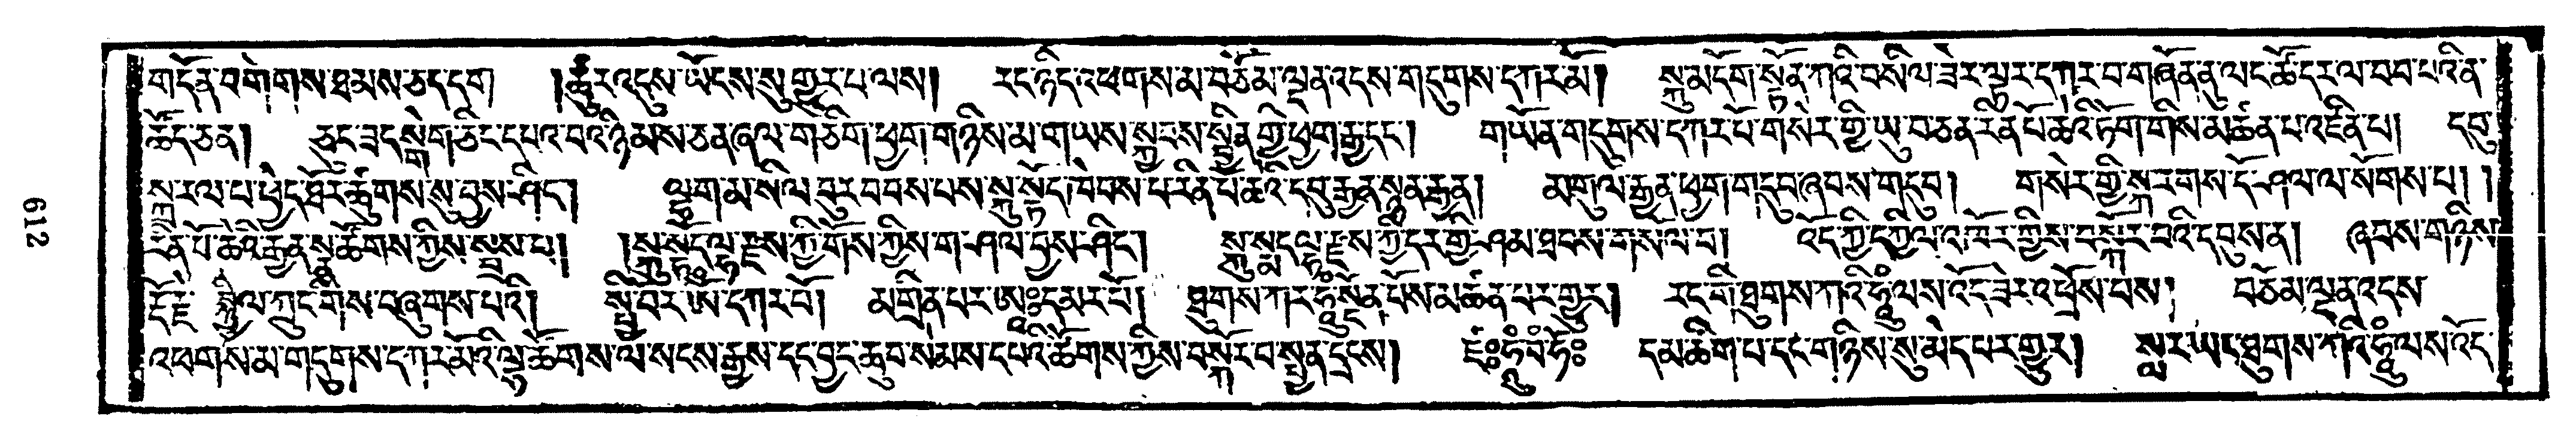གདོན་བགེགས་ཐམས་ཅད་དག །ཚུར་འདུས་ཡོངས་སུ་གྱུར་པ་ལས། རང་ཉིད་འཕགས་མ་བཅོམ་ལྡན་འདས་གདུགས་དཀར་མོ། སྐུ་མདོག་སྟོན་ཀའི་བསིལ་ཟེར་ལྟར་དཀར་བ་གཞོན་ནུ་ལང་ཚོ་དར་ལ་བབ་པའི་ན་
ཚོད་ཅན། ཅུང་ཟད་སྒེག་ཅིང་དཔའ་བའི་ཉམས་ཅན་ཞལ་གཅིག་ཕྱག་གཉིས་མ་གཡས་སྐྱབས་སྦྱིན་གྱི་ཕྱག་རྒྱ་དང་། གཡོན་གདུགས་དཀར་པོ་གསེར་གྱི་ཡུ་བ་ཅན་རིན་པོ་ཆེའི་ཏོག་གིས་མཚན་པ་འཛིན་པ། དབུ་
སྐྲ་རལ་པ་ཕྱེད་ཐོར་ཚུགས་སུ་བྱས་ཤིང་། ལྷག་མ་སིལ་བུར་བབས་པས་སྐུ་སྟོད་ཁེབས་པ་རིན་པོ་ཆེའི་དབུ་རྒྱན་སྙན་རྒྱན། མགུལ་རྒྱན་ཕྱག་གདུབ་ཞབས་གདུབ། གསེར་གྱི་སྐ་རགས་དོ་ཤལ་ལ་སོགས་པ། །
རིན་པོ་ཆེའི་རྒྱན་སྣ་ཚོགས་ཀྱིས་སྤྲས་པ། །སྐུ་སྟོད་ལྷ་རྫས་ཀྱི་གོས་ཀྱིས་གཤལ་བྱས་ཤིང་། སྐུ་སྨད་ལྷ་རྫས་ཀྱི་དར་གྱི་ཤམ་ཐབས་གསོལ་བ། འོད་ཀྱི་དཀྱིལ་འཁོར་གྱིས་བསྐོར་བའི་དབུས་ན། ཞབས་གཉིས་
རྡོ་རྗེ་སྐྱིལ་ཀྲུང་གིས་བཞུགས་པའི། སྤྱི་བོར་ཨོཾ་དཀར་པོ། མགྲིན་པར་ཨཱཿདམར་པོ། ཐུགས་ཀར་ཧཱུཾ་སྔོན་པོས་མཚན་པར་གྱུར། རང་གི་ཐུགས་ཀའི་ཧཱུཾ་ལས་འོད་ཟེར་འཕྲོས་པས། བཅོམ་ལྡན་འདས་
འཕགས་མ་གདུགས་དཀར་མོའི་ལྷ་ཚོགས་ལ་སངས་རྒྱས་དང་བྱང་ཆུབ་སེམས་དཔའི་ཚོགས་ཀྱིས་བསྐོར་བ་སྤྱན་དྲངས། ཛཿཧཱུཾ་བཾ་ཧོཿ དམ་ཚིག་པ་དང་གཉིས་སུ་མེད་པར་གྱུར། སླར་ཡང་ཐུགས་ཀའི་ཧཱུཾ་ལས་འོད་